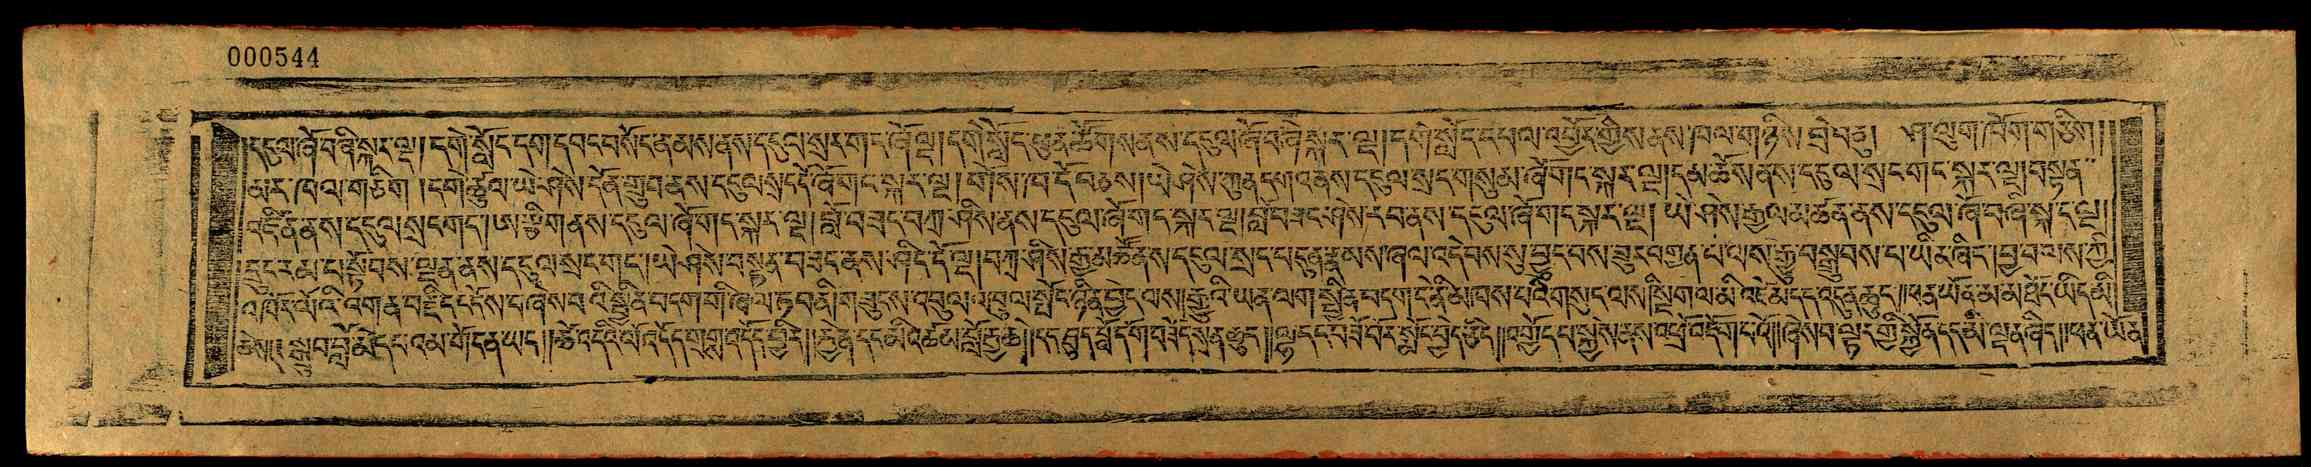དངུལ་ཞོ་བཞི་སྐར་ལྔ། དགེ་སློང་ངག་དབང་བསོད་ནམས་ནས་དངུལ་སྲང་གང་ཞོ་ལྔ། དགེ་སློང་ཕུན་ཚོགས་ནས་དངུལ་ཞོ་བཞི་སྐར་ལྔ། དགེ་སློང་དཔལ་འབྱོར་གྱིས་ནས་ཁལ་གཉིས་བྲེ་བཅུ། ཤ་ལུག་ཁོག་གཅིག།
མར་ཁལ་གཅིག །དགེ་ཚུལ་ཡེ་ཤེས་དོན་གྲུབ་ནས་དངུལ་སྲང་དོ་ཞོ་གང་སྐར་ལྔ། གོས་ཁ་དོ་བཅས། ཡེ་ཤེས་ཀུན་དགའ་ནས་དངུལ་སྲང་གསུམ་ཞོ་གང་སྐར་ལྔ། དམ་ཆོས་ནས་དངུལ་སྲང་གང་སྐར་ལྔ། བསྟན་
འཛིན་ནས་དངུལ་སྲང་གང་། ཨ་རྩིག་ནས་དངུལ་ཞོ་གང་སྐར་ལྔ། བློ་བཟང་བཀྲ་ཤིས་ནས་དངུལ་ཞོ་གང་སྐར་ལྔ། བློ་བཟང་ཤེས་རབ་ནས་དངུལ་ཞོ་གང་སྐར་ལྔ། ཡེ་ཤེས་རྒྱལ་མཚན་ནས་དངུལ་ཞོ་བཞི་སྐར་ལྔ།
དྲུང་རམ་པ་སྟོབས་ལྡན་ནས་དངུལ་སྲང་གང་། ཡེ་ཤེས་བསྟན་བཟང་ནས་ཤིང་དོ་ལྔ། བཀྲ་ཤིས་རྒྱ་མཚོ་ནས་དངུལ་སྲང་བདུན་རྣམས་ཞལ་འདེབས་སུ་བྱུང་བས་ཟུར་བརྒྱན་པ་ལས་རྒྱུ་བསྒྲུབས་པ་ཡིན་ཞིང་། བྱ་བ་ལས་ཀྱི་
འཁོར་ལོའི་འགན་བརྗིད་དངོས་བཞེས་པའི་སྦྱིན་བདག་གི་ཞལ་ཏབ་ནི། གཟུངས་འབུལ་འཁྲུལ་སྤོང་ཉིན་བྱེད་ལས། རྒྱུའི་ཡན་ལག་སྦྱིན་བདག་དེ་ནི་མཁས་པའི་གསུང་ལས། སྡིག་ལ་མི་འཛེམ་དད་འདུན་ཆུང་། །ཕན་ཡོན་མ་མཐོང་ཡིད་མི་
ཆེས༑ ༑སྒྲུབ་བློ་མེད་པའམ་ཡོད་ན་ཡང་། །ཚེ་འདིའི་ལོ་འདོད་གྲགས་འདོད་ཕྱིར། །རྐྱེན་དང་མི་འཚམ་བློ་རྒྱ་ཆེ། །དང་ཐུང་བློ་དོག་བཟོད་སྲང་ཆུང་། །ལྷ་དད་བཟོ་བོར་སྨོད་བྱེད་ཅིང་། །འགྱོད་པ་སྐྱེས་ནས་འཕྲོ་འཇོག་པའོ། །ཞེས་པ་ལྟར་གྱི་སྐྱོན་དང་མི་ལྡན་ཞིང་། །ཕན་ཡོན་